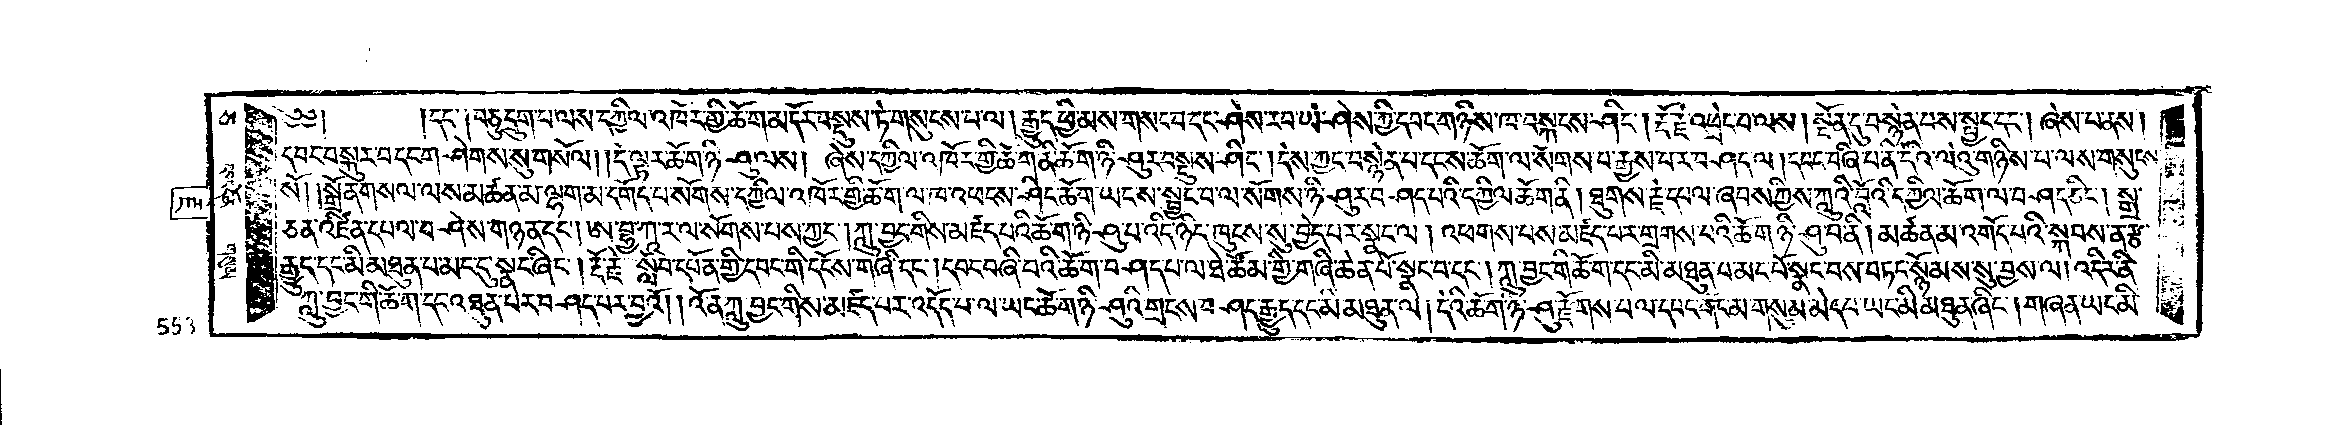༄༅། །དང་། བཅུ་དྲུག་པ་ལས་དཀྱིལ་འཁོར་གྱི་ཆོ་ག་མདོར་བསྡུས་ཏེ་གསུངས་པ་ལ། རྒྱུད་ཕྱི་མས་གསང་བ་དང་ཤེས་རབ་ཡེ་ཤེས་ཀྱི་དབང་གཉིས་ཁ་བསྐངས་ཤིང་། རྡོ་རྗེ་འཕྲེང་བ་ལས། སྔོན་དུ་བསྙེན་པས་སྦྱང་དང་། ཞེས་པ་ནས།
དབང་བསྐུར་བ་དང་གཤེགས་སུ་གསོལ། །དེ་ལྟར་ཆོ་ག་ཉི་ཤུ་ལས། ཞེས་དཀྱིལ་འཁོར་གྱི་ཆོ་ག་ནི་ཆོ་ག་ཉི་ཤུར་བསྡུས་ཤིང་། དེས་ཀྱང་བསྙེན་པ་དང་ས་ཆོག་ལ་སོགས་པ་རྒྱས་པར་བཤད་ལ། དབང་བཞི་པ་ནི་དེའི་ལེའུ་གཉིས་པ་ལས་གསུངས་
སོ༑ ༑སྒྲོན་གསལ་ལས་མཚན་མ་ལྷག་མ་དགོད་པ་སོགས་དཀྱིལ་འཁོར་གྱི་ཆོ་ག་ལ་ཁ་འཕངས་ཤིང་ཆོ་ག་ཡང་ས་སྦྱང་བ་ལ་སོགས་ཉི་ཤུར་བཤད་པའི་དཀྱིལ་ཆོག་ནི། ཐུགས་རྗེ་དཔལ་ཞབས་ཀྱིས་ཀླུའི་བློའི་དཀྱིལ་ཆོག་ལ་བཤད་ཅིང་། སྒྲ་
ཅན་འཛིན་དཔལ་བཤེས་གཉེན་དང་། ཨ་བྷྱ་ཀཱ་ར་ལ་སོགས་པས་ཀྱང་། ཀླུ་བྱང་གིས་མཛད་པའི་ཆོ་ག་ཉི་ཤུ་པ་འདི་ཉིད་ཁུངས་སུ་བྱེད་པར་སྣང་ལ། འཕགས་པས་མཛད་པར་གྲགས་པའི་ཆོ་ག་ཉི་ཤུ་པ་ནི། མཚན་མ་འགོད་པའི་སྐབས་ན་རྩ་
རྒྱུད་དང་མི་མཐུན་པ་མང་དུ་སྣང་ཞིང་། རྡོ་རྗེ་སློབ་དཔོན་གྱི་དབང་གི་དངོས་གཞི་དང་། དབང་བཞི་པའི་ཆོ་ག་བཤད་པ་ལ་ཐེ་ཚོམ་གྱི་གཞི་ཆེན་པོ་སྣང་བ་དང་། ཀླུ་བྱང་གི་ཆོ་ག་དང་མི་མཐུན་པ་མང་པོ་སྣང་བས་བཏང་སྙོམས་སུ་བྱས་ལ། འདིར་ནི་
ཀླུ་བྱང་གི་ཆོ་ག་དང་འཐུན་པར་བཤད་པར་བྱའོ། །འོ་ན་ཀླུ་བྱང་གིས་མཛད་པར་འདོད་པ་ལ་ཡང་ཆོ་ག་ཉི་ཤུའི་གྲངས་བཤད་རྒྱུད་དང་མི་མཐུན་ལ། དེའི་ཆོ་ག་ཉི་ཤུ་རྫོགས་པ་ལ་དབང་གོང་མ་གསུམ་མེད་པ་ཡང་མི་མཐུན་ཞིང་། གཞན་ཡང་མི་